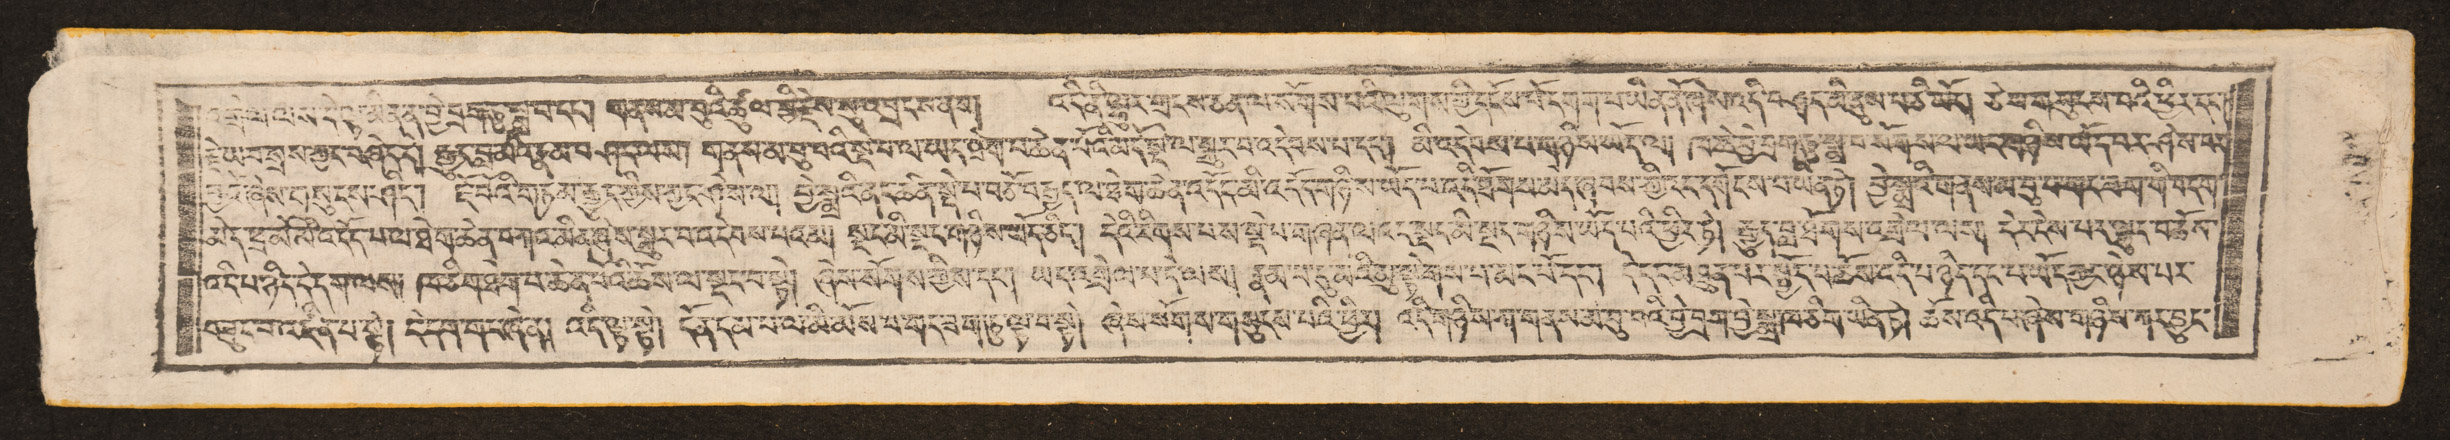འགྲེལ་ལས་དེ་ལྟ་མིན་ན་བྱེ་བྲག་ཏུ་སྨྲ་བ་དང་། གནས་མ་བུའི་ཚུལ་གྱི་རྗེས་སུ་འབྲངས་ནས། འདི་ནི་ལྷུར་གྲངས་ཅན་ལ་སོགས་པའི་ལུགས་ཀྱི་དངོས་པོ་དགག་པ་ཡིན་ནོ་ཞེས་འདི་བཤད་མི་ནུས་པ་ཅི་ཡོད། ཅེས་གསུངས་པའི་ཕྱིར་དང་།
རྗེ་ཡབ་སྲས་ཀྱང་བཞེད་དེ། རྒྱུད་བླ་མའི་རྣམ་བཤད་ལས། གནས་མ་བུ་པའི་སྡེ་པ་ལ་ཡང་ཐེག་པ་ཆེན་པོའི་མདོ་སྡེ་ལ་སྐུར་བ་འདེབས་པ་དང་། མི་འདེབས་པ་གཉིས་ཡོད་ལ། ཁ་ཆེ་བྱེ་བྲག་ཏུ་སྨྲ་བ་སོགས་ལ་ཡང་གཉིས་ཡོད་པར་ཤེས་པར་
བྱའོ་ཞེས་གསུངས་ཤིང་། ཇོ་བོའི་གཏམ་རྒྱུད་ཀྱིས་ཀྱང་ཤེས་ལ། བྱེ་སྨྲའི་ནང་ཚན་སྡེ་པ་བཅོ་བརྒྱད་ལ་ཐེག་ཆེན་འདོད་མི་འདོད་གཉིས་ཡོད་པ་འདི་ཐོགས་མེད་ཞབས་ཀྱིའང་དགོངས་པ་ཡིན་ཏེ། བྱེ་སྨྲའི་གནས་མ་བུ་པ་གང་ཟག་གི་བདག་
མེད་ཕྲ་མོ་མི་འདོད་པ་ལ་ཐེག་ཆེན་བཀའ་མིན་ཞེས་སྐུར་བ་འདེབས་པའམ། སྡང་མི་སྡང་གཉིས་ཡོད་ཅིང་། དེའི་རིགས་པས་སྡེ་པ་གཞན་ལའང་སྡང་མི་སྡང་གཉིས་ཡོད་པའི་ཕྱིར་ཏེ། རྒྱུད་བླ་ཐོགས་འགྲེལ་ལས། དེར་ངེས་པར་ལྷུང་བ་ཆོས་
འདི་པ་ཉིད་དེ་དག་ལས། ཁ་ཅིག་ཐེག་པ་ཆེན་པོའི་ཆོས་ལ་སྡང་བ་སྟེ། ཞེས་སོགས་ཀྱིས་དང་། ཡང་འགྲེལ་པ་དེ་ལས། རྣམ་པ་དུ་མའི་མུ་སྟེགས་པ་མང་པོ་དང་། དེ་དང་མཐུན་པར་སྤྱོད་པ་ཆོས་འདི་པ་ཉིད་དང་པ་ཡོད་ཀྱང་ཉེས་པར་
བཟུང་བ་འཛིན་པ་སྟེ། དེ་དག་གང་ཞེ་ན། འདི་ལྟ་སྟེ། དོན་དམ་པ་ལ་མི་མོས་པ་གང་ཟག་ཏུ་ལྟ་བ་སྟེ། ཞེས་སོགས་གསུངས་པའི་ཕྱིར། འདི་གཉིས་ཀ་གནས་མ་བུ་བའི་བྱེ་བྲག་བྱེ་སྨྲ་ཁ་ཅིག་ཡིན་ཏེ། ཆོས་འདི་པ་ཞེས་གཉིས་ཀར་བྱུང་